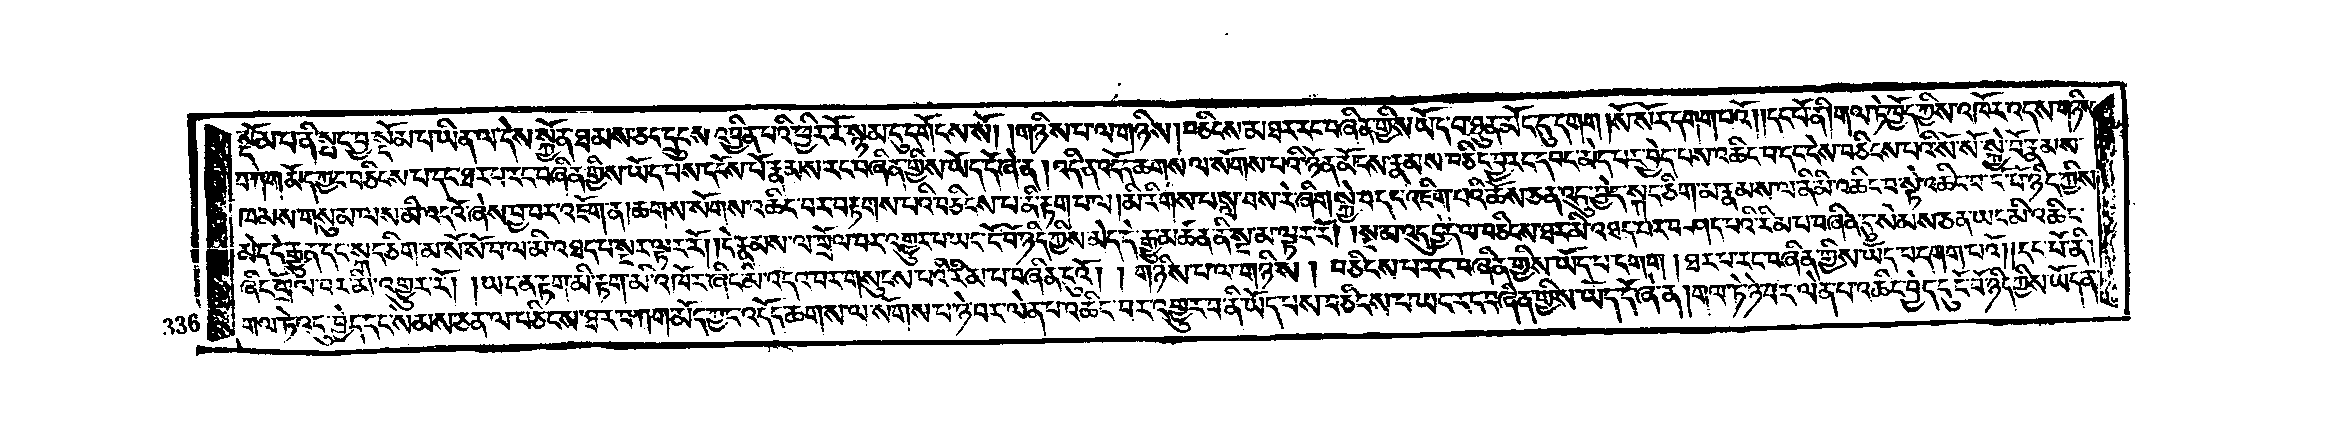སྡོམ་པ་ནི་སྤང་བྱ་སྡོམ་པ་ཡིན་ལ་དེས་སྐྱོན་ཐམས་ཅད་དྲུངས་འབྱིན་པའི་ཕྱིར་རོ་སྙམ་དུ་དགོངས་སོ། །གཉིས་པ་ལ་གཉིས། བཅིངས་མཐར་རང་བཞིན་གྱིས་ཡོད་པ་ཐུན་མོང་དུ་དགག །སོ་སོར་དགག་པའོ། །དང་པོ་ནི། གལ་ཏེ་ཁྱོད་ཀྱིས་འཁོར་འདས་གཉིས་
བཀག་ཡོད་ཀྱང་བཅིངས་པ་དང་ཐར་པ་རང་བཞིན་གྱིས་ཡོད་པས་དངོས་པོ་རྣམས་རང་བཞིན་གྱིས་ཡོད་དོ་ཞེ་ན། འདི་ན་འདོད་ཆགས་ལ་སོགས་པའི་ཉོན་མོངས་རྣམས་བཅིང་བྱ་རང་དབང་མེད་པ་བྱེད་པས་འཆིང་བ་དང་ངེས་བཅིངས་པའི་སོ་སོ་སྐྱེ་བོ་རྣམས་
ཁམས་གསུམ་ལས་མི་འདའོ་ཞེས་བྱ་བར་འཇོག་ན། ཆགས་སོགས་འཆིང་བར་བརྟགས་པའི་བཅིངས་པ་ནི་རྟག་པ་ལ། མི་རིགས་པ་སླ་བས་རེ་ཞིག་སྐྱེ་བ་དང་འཇིག་པའི་ཆོས་ཅན་འདུ་བྱེད་སྐད་ཅིག་མ་རྣམས་ལ་ནི་མི་འཆིང་བ་སྟེ་འཆིང་བ་ངོ་བོ་ཉིད་ཀྱིས་
མེད་དེ་རྒྱུན་དང་སྐད་ཅིག་མ་སོ་སོ་བ་ལ་མི་འཐད་པ་སྔར་ལྟར་རོ། །དེ་རྣམས་ལ་གྲོལ་བར་འགྱུར་པ་ཡང་ངོ་བོ་ཉིད་ཀྱིས་མེད་དེ་རྒྱུ་མཚན་ནི་སྔ་མ་ལྟར་རོ། །སྔ་མ་འདུ་བྱེད་ལ་བཅིངས་ཐར་མི་འཐད་པར་བཤད་པའི་རིམ་པ་བཞིན་དུ་སེམས་ཅན་ཡང་མི་འཆིང་
ཞིང་གྲོལ་བར་མི་འགྱུར་རོ། །ཡང་ན་རྟག་མི་རྟག་མི་འཁོར་ཞིང་མི་འདའ་བར་གསུངས་པའི་རིམ་པ་བཞིན་དུའོ། །གཉིས་པ་ལ་གཉིས། བཅིངས་པ་རང་བཞིན་གྱིས་ཡོད་པ་དགག །ཐར་པ་རང་བཞིན་གྱིས་ཡོད་པ་དགག་པའོ། །དང་པོ་ནི།
གལ་ཏེ་འདུ་བྱེད་དང་སེམས་ཅན་ལ་བཅིངས་ཐར་བཀག་མོད་ཀྱང་འདོད་ཆགས་ལ་སོགས་པ་ཉེ་བར་ལེན་པ་འཆིང་བར་འགྱུར་བ་ནི་ཡོད་པས་བཅིངས་པ་ཡང་རང་བཞིན་གྱིས་ཡོད་དོ་ཞེ་ན། གལ་ཏེ་ཉེ་བར་ལེན་པ་འཆིང་བྱེད་དུ་ངོ་བོ་ཉིད་ཀྱིས་ཡོད་ན་